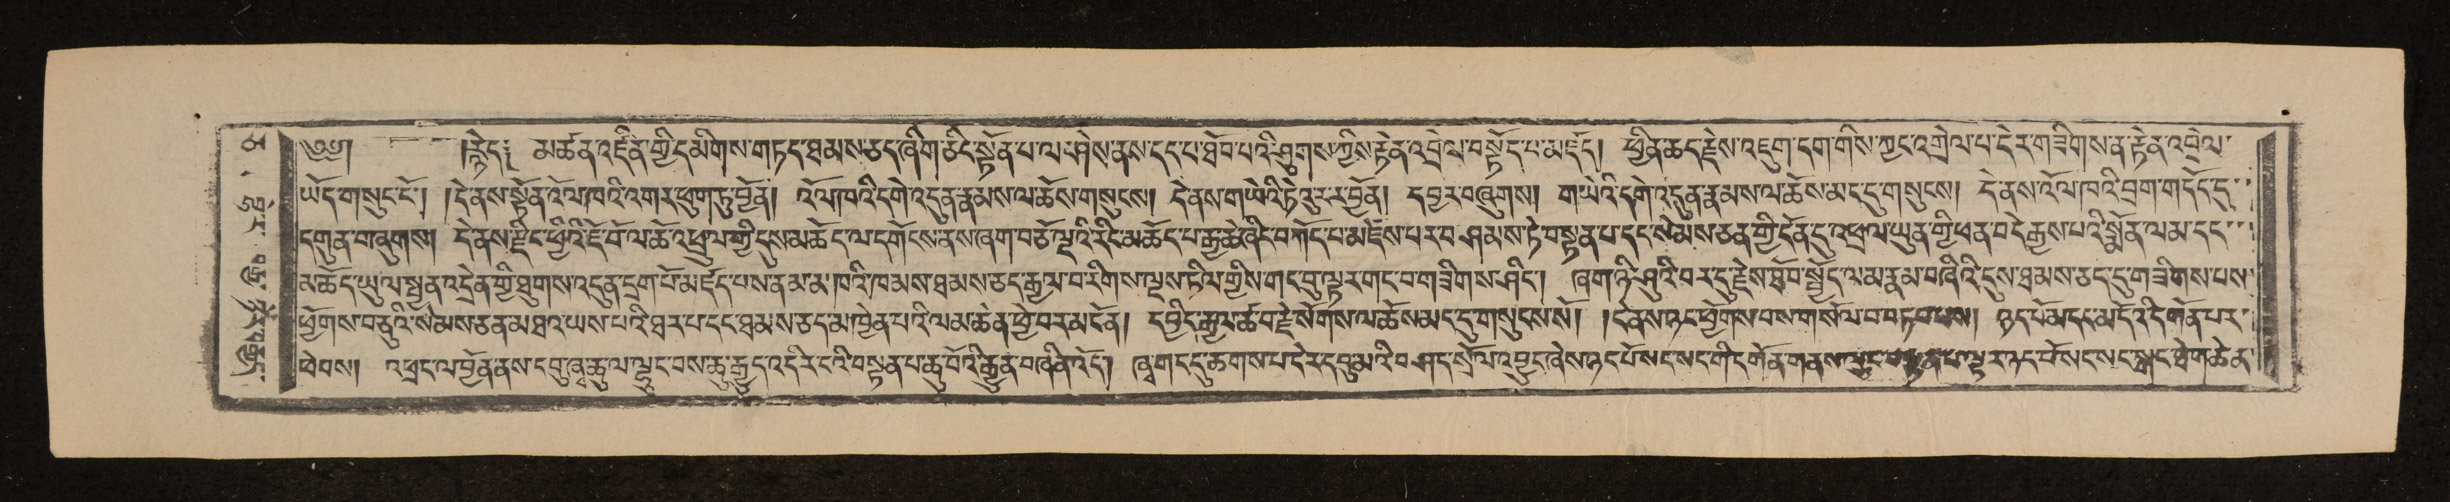༄༅། །རྙེད༑ མཚན་འཛིན་གྱི་དམིགས་གཏད་ཐམས་ཅད་ཞིག་ཅིང་སྟོན་པ་ལ་ཤེས་ནས་དད་པ་ཐོབ་པའི་ཤུགས་ཀྱིས་རྟེན་འབྲེལ་བསྟོད་པ་མཛད། ཕྱིན་ཆད་རྗེས་འཇུག་དག་གིས་ཀྱང་འགྲེལ་པ་དེར་གཟིགས་ན་རྟེན་འབྲེལ་
ཡོད་གསུང་ངོ། །དེ་ནས་སྟོན་འོལ་ཁའི་འགར་ཕུག་ཏུ་བྱོན། འོལ་ཁའི་དགེ་འདུན་རྣམས་ལ་ཆོས་གསུངས། དེ་ནས་གཡེའི་ཏེའུ་རར་བྱོན། དབྱར་བཞུགས། གཡེའི་དགེ་འདུན་རྣམས་ལ་ཆོས་མང་དུ་གསུངས། དེ་ནས་འོལ་ཁའི་བྲག་གདོང་དུ་
དགུན་བཞུགས། དེ་ནས་རྫིང་ཕྱིའི་ཇོ་བོ་ལ་ཆོ་འཕྲུལ་གྱི་དུས་མཆོད་ལ་དགོངས་ནས་ཞག་བཅོ་ལྔའི་རིང་མཆོད་པ་རྒྱ་ཆེ་ཞིང་བཀོད་པ་མཛས་པར་བཤམས་ཏེ་བསྟན་པ་དང་སེམས་ཅན་གྱི་དོན་དུ་འཕྲལ་ཡུན་གྱི་ཕན་བདེ་རྒྱས་པའི་སྨོན་ལམ་དང་
མཆོད་ཡུལ་སྤྱན་འདྲེན་གྱི་ཐུགས་འདུན་དྲག་པོ་མཛད་པས་ནམ་མཁའི་ཁམས་ཐམས་ཅད་རྒྱལ་བ་རིགས་ལྔས་ཏིལ་གྱིས་གང་བུ་ལྟར་གང་བ་གཟིགས་ཤིང་། ཞག་ཉི་ཤུའི་བར་དུ་རྗེས་ཐོབ་སྤྱོད་ལམ་རྣམ་བཞིའི་དུས་ཐམས་ཅད་དུ་གཟིགས་པས་
ཕྱོགས་བཅུའི་སེམས་ཅན་མཐའ་ཡས་པའི་ཐར་པ་དང་ཐམས་ཅད་མཁྱེན་པའི་ལམ་ཆེན་ཕྱེ་བར་མངོན། དཔྱིད་རྒྱལ་ཚབ་རྗེ་སོགས་ལ་ཆོས་མང་དུ་གསུངས་སོ། །དེ་ནས་ཉང་ཕྱོགས་པས་གསོལ་བ་བཏབ་པས། ཉང་པོ་མ་དང་མདོའི་དགོན་པར་
ཕེབས། འཕྲང་ལ་བྱོན་ནས་དབུ་ཞྭ་ཆུ་ལ་ལྷུང་བས་ཆུ་རྒྱུད་འདིར་ངའི་བསྟན་པ་ཆུ་བོའི་རྒྱུན་བཞིན་འོང་། ཞྭ་གང་དུ་ཆགས་པ་དེར་དབུ་མའི་བཤད་སྲོལ་འབྱུང་ཞེས་ཉང་པོ་སང་སང་གི་དགོན་གནས་ལུང་བསྟན་པ་ལྟར་ཉང་པོ་སང་སང་སྒང་ཐེག་ཆེན་